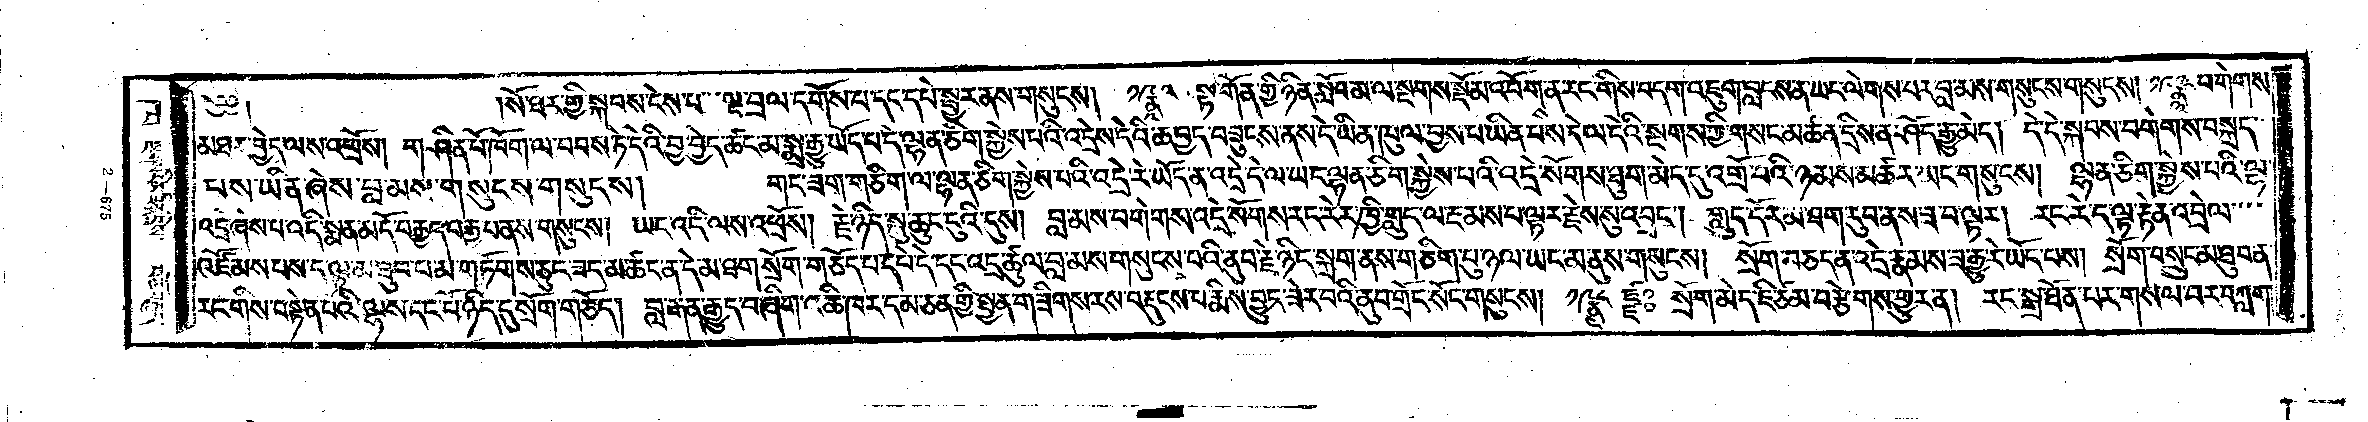༄༅། །སོ་ཐར་གྱི་སྐབས་ངེས་པ་ལྔ་བྲལ་དགོས་པ་དང་དཔེ་སྦྱར་ནས་གསུངས། ༡༩༢ན༢་སྟ་གོན་གྱི་ཉིན་སློབ་མ་ལ་སྔགས་སྡོམ་འབོག་ན་རང་གིས་བདག་འཇུག་བླངས་ན་ཡང་ལེགས་པར་བླ་མས་གསུངས་གསུངས། ༡༩༣ན༣་བགེགས་
མཐར་བྱེད་ལས་འཕྲོས། གཤིན་པོ་ཁོག་ལ་བབས་ཏེ་དེའི་བྱ་བྱེད་ཚང་མ་སྨྲ་རྒྱུ་ཡོད་པ་དེ་ལྷན་ཅིག་སྐྱེས་པའི་འདྲེས་དེའི་ཆ་བྱད་བཟུངས་ནས་དེ་ཡིན་ཁུལ་བྱ་པ་ཡིན་པས་དེ་ལ་དེའི་སྔགས་ཀྱི་གསང་མཚན་དྲིས་ན་ཤོད་རྒྱུ་མེད། དེ་དེ་སྐབས་བགེགས་བསྐྲད་
པས་ཡིན་ཞེས་བླ་མས་གསུངས་གསུངས། གང་ཟག་གཅིག་ལ་ལྷན་ཅིག་སྐྱེས་པའི་འདྲེ་རེ་ཡོད་ན་འདྲེ་དེ་ལ་ཡང་ལྷན་ཅིག་སྐྱེས་པའི་འདྲེ་སོགས་ཐུག་མེད་དུ་འགྲོ་བའི་ཉམས་མཚར་ཡང་གསུངས། ལྷན་ཅིག་སྐྱེས་པའི་ལྷ་
འདྲེ་ཞེས་པ་འདི་སྨན་མདོ་བརྒྱད་བརྒྱ་པ་ནས་གསུངས། ཡང་འདི་ལས་འཕྲོས། རྗེ་ཉིད་སྐུ་ཆུང་ངུའི་དུས། བླ་མས་བགེགས་འདྲེ་སོགས་རང་རེར་ཁྱི་གླུད་ལ་རྔམས་པ་ལྟར་རྗེས་སུ་འབྲང་། གླུད་དོར་མ་ཐག་རུབ་ནས་ཟ་བ་ལྟར། རང་རེ་ད་ལྟ་རྟེན་འབྲེལ་
འཛོམས་པས་ད་ལྷ་མ་ཐུབ་པ་མ་གཏོགས་ཅུང་ཟད་མ་ཚང་ན་དེ་མ་ཐག་སྲོག་གཅོད་པ་དཔེ་དེ་དང་འདྲ་ཚུལ་བླ་མས་གསུངས་པའི་ནུབ་རྗེ་ཉིད་སྐྲག་ནས་གཅིག་པུ་ཉལ་ཡང་མ་ནུས་གསུངས། སྲོག་བཅད་ན་འདྲེ་རྣམས་ཟ་རྒྱུ་རེ་ཡོད་པས། སྲོག་བསྲུང་མ་ཐུབ་ན་
རང་གིས་བསྟེན་པའི་ལྷས་དང་པོ་ཉིད་དུ་སྲོག་གཅོད། བླ་རྒན་རྒྱུད་བ་ཞིག་འཆི་ཁར་དམ་ཅན་གྱི་སྤྱན་གཟིགས་རས་བརྡུངས་པ་རྨིས་བྱུང་ཟེར་བའི་ནུབ་གྲོང་སོང་གསུངས། ༡༩༨ན༤་ཛྫཿསྲོག་མེད་ཇི་ཙམ་བརྩེགས་གྱུར་ན། རང་སྒྲ་ཐོན་པར་གསལ་བར་བཀླག་